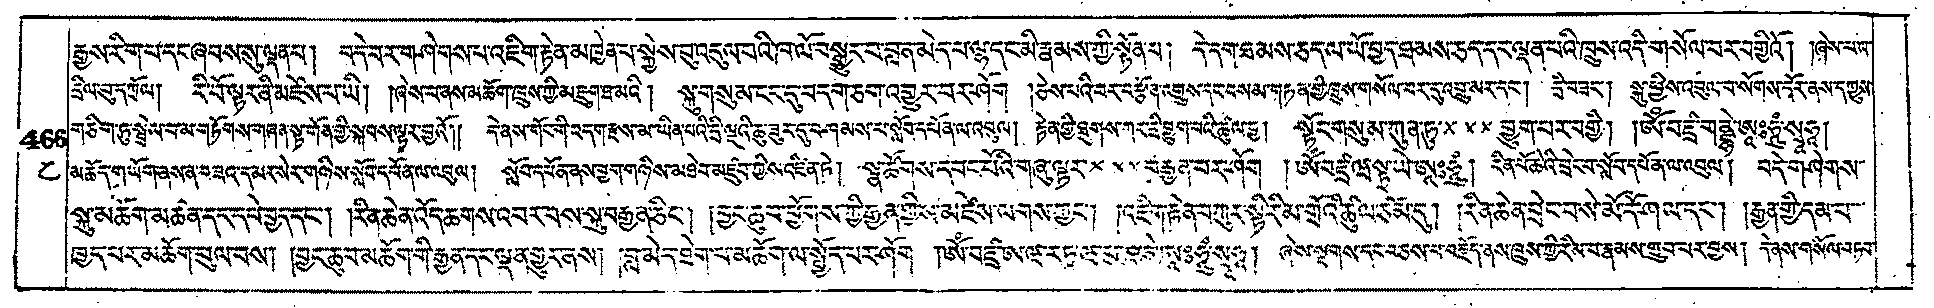རྒྱས་རིག་པ་དང་ཞབས་སུ་ལྡན་པ། བདེ་བར་གཤེགས་པ་འཇིག་རྟེན་མཁྱེན་པ་སྐྱེས་བུ་འདུལ་བའི་ཁ་ལོ་བསྒྱུར་བ་བླ་ན་མེད་པ་ལྷ་དང་མི་རྣམས་ཀྱི་སྟོན་པ། དེ་དག་ཐམས་ཅད་ལ་ཡོ་བྱད་ཐམས་ཅད་དང་ལྡན་པའི་ཁྲུས་འདི་གསོལ་བར་བགྱིའོ། །ཞེས་པ་ལ་
དྲིལ་བུ་དཀྲོལ། རི་བོ་ལྟར་ནི་མཛེས་པ་ཡི། །ཞེས་པ་ནས་མཆོག་ཁྲུས་ཀྱི་མཇུག་ཐ་མའི།  སྐུ་གསུམ་ངང་དུ་བདག་ཅག་འགྱུར་བར་ཤོག །ཅེས་པའི་བར་བརྩོན་འགྲུས་དང་བསམ་གཏན་གྱི་ཁྲུས་གསོལ་བར་དུ་འབྲུ་མར་དང་། དྲི་བཟང་། སྐུ་ཕྱིས་འབུལ་བ་སོགས་དོར་ནས་དཀྱུས་
གཅིག་ཏུ་སྦྲེལ་བ་མ་གཏོགས་གཞན་སྟ་གོན་གྱི་སྐབས་ལྟར་བྱའོ།། དེ་ནས་གོང་གི་འདག་རྫས་མ་ཡིན་པའི་དྲི་ལྔའི་ཆུ་ཟུར་དུ་བཤམས་པ་སློབ་དཔོན་ལ་འབུལ། རྟེན་གྱི་ཐུགས་ཀར་དྲི་བྱུག་པའི་ཚུལ་བྱ། སྟོང་གསུམ་ཀུན་ཏུ་྾་྾་྾་བྱུག་པར་བགྱི། །ཨོཾ་བཛྲ་གནྡྷེ་ཨཱཿཧཱུཾ་སྭཱཧཱ།
མཆོད་གཡོག་ནས་ན་བཟའ་དམར་སེར་གཉིས་སློབ་དཔོན་ལ་འབུལ། སློབ་དཔོན་ནས་ཕྱག་གཉིས་མཐེབ་མཛུབ་ཀྱིས་འཛིན་ཏེ།  སྣ་ཚོགས་དབང་པོའི་གཞུ་ལྟར་྾་྾་྾་བརྒྱན་པར་ཤོག །ཨོཾ་བཛྲ་ཝསྟྲ་ཡེ་ཨཱཿཧཱུཾ། རིན་པོ་ཆེའི་ཕྲེང་བ་སློབ་དཔོན་ལ་འབུལ།  བདེ་གཤེགས་
སྐུ་མཆོག་མཚན་དང་དཔེ་བྱད་དང་། །རིན་ཆེན་འོད་ཆགས་འབར་བས་སྐུ་བརྒྱན་ཅིང་། །བྱང་ཆུབ་ཕྱོགས་ཀྱི་རྒྱན་གྱིས་མཛེས་ལགས་ཀྱང་། །འཇིག་རྟེན་བཀུར་སྟི་རིམ་གྲོའི་ཚུལ་ཙམ་དུ། །རིན་ཆེན་ཕྲེང་བ་སེ་མོ་དོ་ཤལ་དང་། །རྒྱན་གྱི་དམ་པ་
ཁྱད་པར་མཆོག་ཕུལ་བས། །བྱང་ཆུབ་མཆོག་གི་རྒྱན་དང་ལྡན་གྱུར་ནས། །བླ་མེད་ཐེག་པ་མཆོག་ལ་སྤྱོད་པར་ཤོག །ཨོཾ་བཛྲ་ཨ་ཝ་ར་ཏྜུ་ཝ་པུ་ཥ་ཎེ་ཨཱཿཧཱུཾ་སྭཱཧཱ། ཞེས་སྔགས་དང་བཅས་པ་བརྗོད་ནས་ཁྲུས་ཀྱི་རིམ་པ་རྣམས་གྲུབ་པར་བྱས། དེ་ནས་གསོལ་བཏབ་